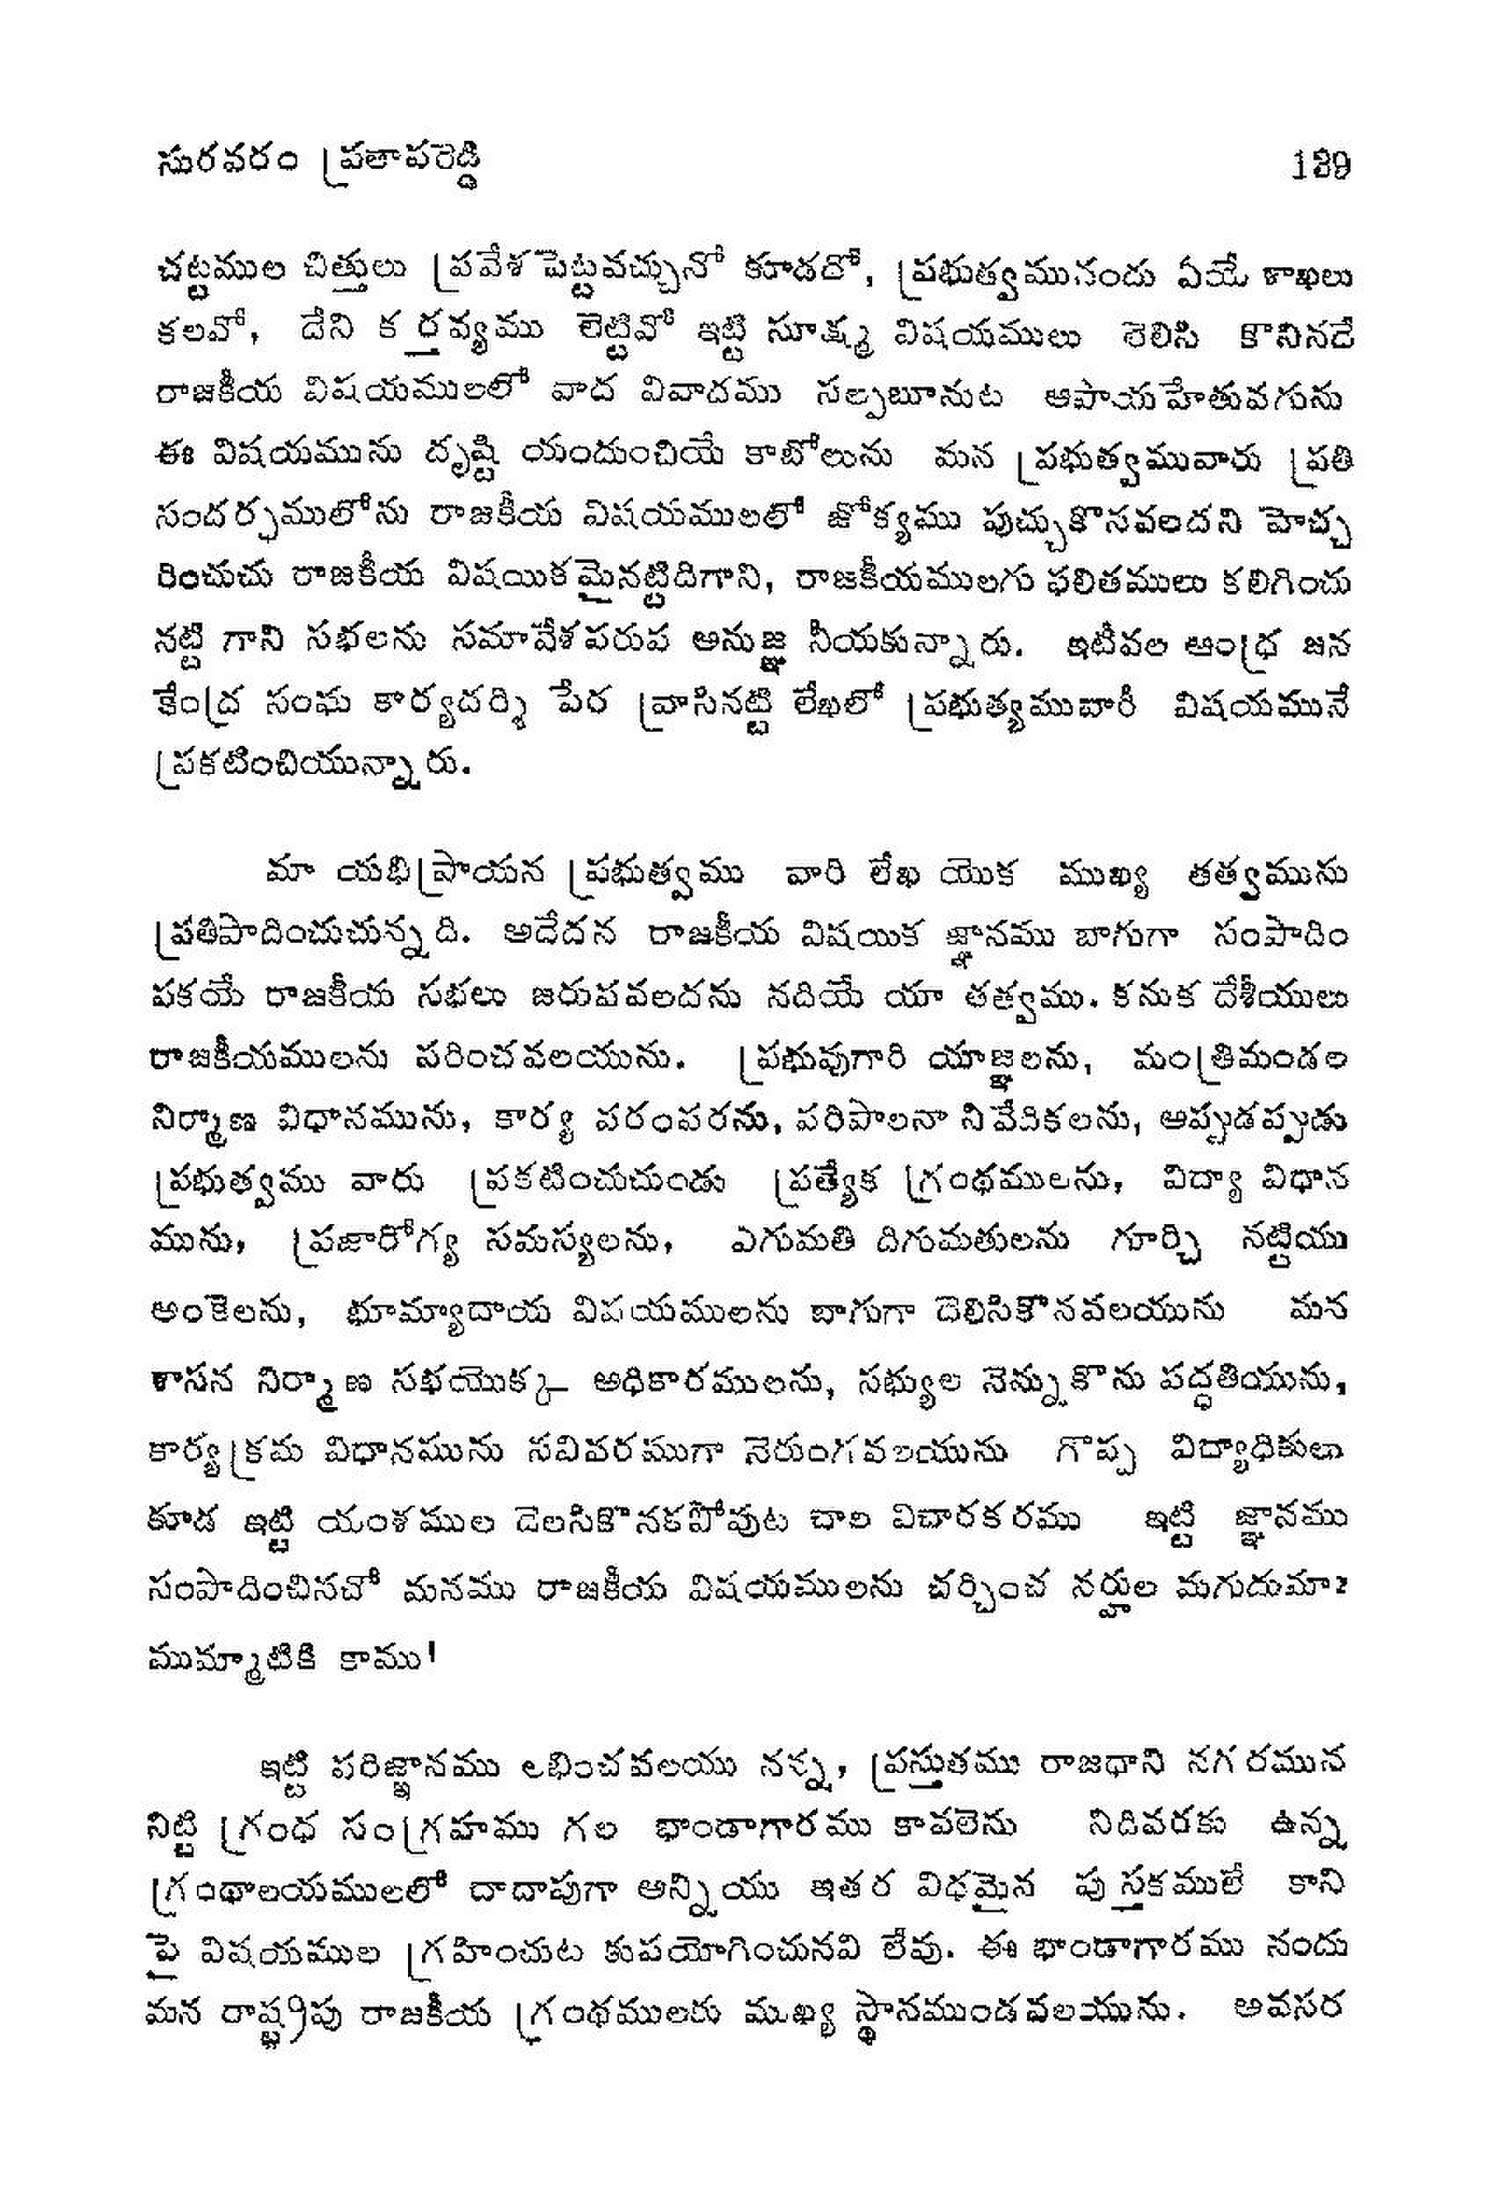చట్టముల చిత్తులు ప్రవేశ పెట్టవచ్చునో కూడదో, ప్రభుత్వమునందు ఏయే శాఖలు కలవో, దేని కర్తవ్యము లెట్టివో ఇట్టి సూక్ష్మ విషయములు తెలిసి కొనినదే రాజకీయ విషయములలో వాద వివాదము సల్పబూనుట అపాయహేతువగును ఈ విషయమును దృష్టి యందుంచియే కాబోలును మన ప్రభుత్వమువారు ప్రతి
సందర్భములోను రాజకీయ విషయములలో జోక్యము పుచ్చుకొనవలదని హెచ్చరించుచు రాజకీయ విషయికమైనట్టిదిగాని, రాజకీయములగు ఫలితములు కలిగించు నట్టి గాని సభలను సమావేశపరుప అనుజ్ఞ నీయకున్నారు. ఇటీవల ఆంధ్ర జన కేంద్ర సంఘ కార్యదర్శి పేర వ్రాసినట్టి లేఖలో ప్రభుత్యమువారి విషయమునే
ప్రకటించియున్నారు.

మా యభిప్రాయన ప్రభుత్వము వారి లేఖ యొక ముఖ్య తత్వమును ప్రతిపాదించుచున్నది. అదేదన రాజకీయ విషయిక జ్ఞానము బాగుగా సంపాదింపకయే రాజకీయ సభలు జరుపవలదను నదియే యా తత్వము. కనుక దేశీయులు రాజకీయములను పఠించవలయును. ప్రభువుగారి యాజ్ఞలను, మంత్రిమండల నిర్మాణ విధానమును, కార్య పరంపరను, పరిపాలనా నివేదికలను, అప్పుడప్పుడు ప్రభుత్వము వారు ప్రకటించుచుండు ప్రత్యేక గ్రంథములను, విద్యా విధానమును, ప్రజారోగ్య సమస్యలను, ఎగుమతి దిగుమతులను గూర్చి నట్టియు అంకెలను, భూమ్యాదాయ విషయములను బాగుగా దెలిసికొనవలయును మన శాసన నిర్మాణ సభయొక్క అధికారములను, సభ్యుల నెన్నుకొను పద్ధతియును, కార్యక్రమ విధానమును సవివరముగా నెరుంగవలయును గొప్ప విద్యాధికులు
కూడ ఇట్టి యంశముల దెలిసికొనకపోవుట చాలా విచారకరము ఇట్టి జ్ఞానము సంపాదించినచో మనము రాజకీయ విషయములను చర్చించ నర్హుల మగుదుమా? ముమ్మాటికి కాము!

ఇట్టి పరిజ్ఞానము లభించవలయు నన్న, ప్రస్తుతము రాజధాని నగరమున నిట్టి గ్రంధ సంగ్రహము గల భాండాగారము కావలెను నిదివరకు ఉన్న గ్రంథాలయములలో దాదాపుగా అన్నియు ఇతర విధమైన పుస్తకములే కాని పై విషయముల గ్రహించుట కుపయోగించునవి లేవు. ఈ భాండాగారము నందు మన రాష్ట్రపు రాజకీయ గ్రంథములకు ముఖ్య స్థానముండవలయును. అవసర